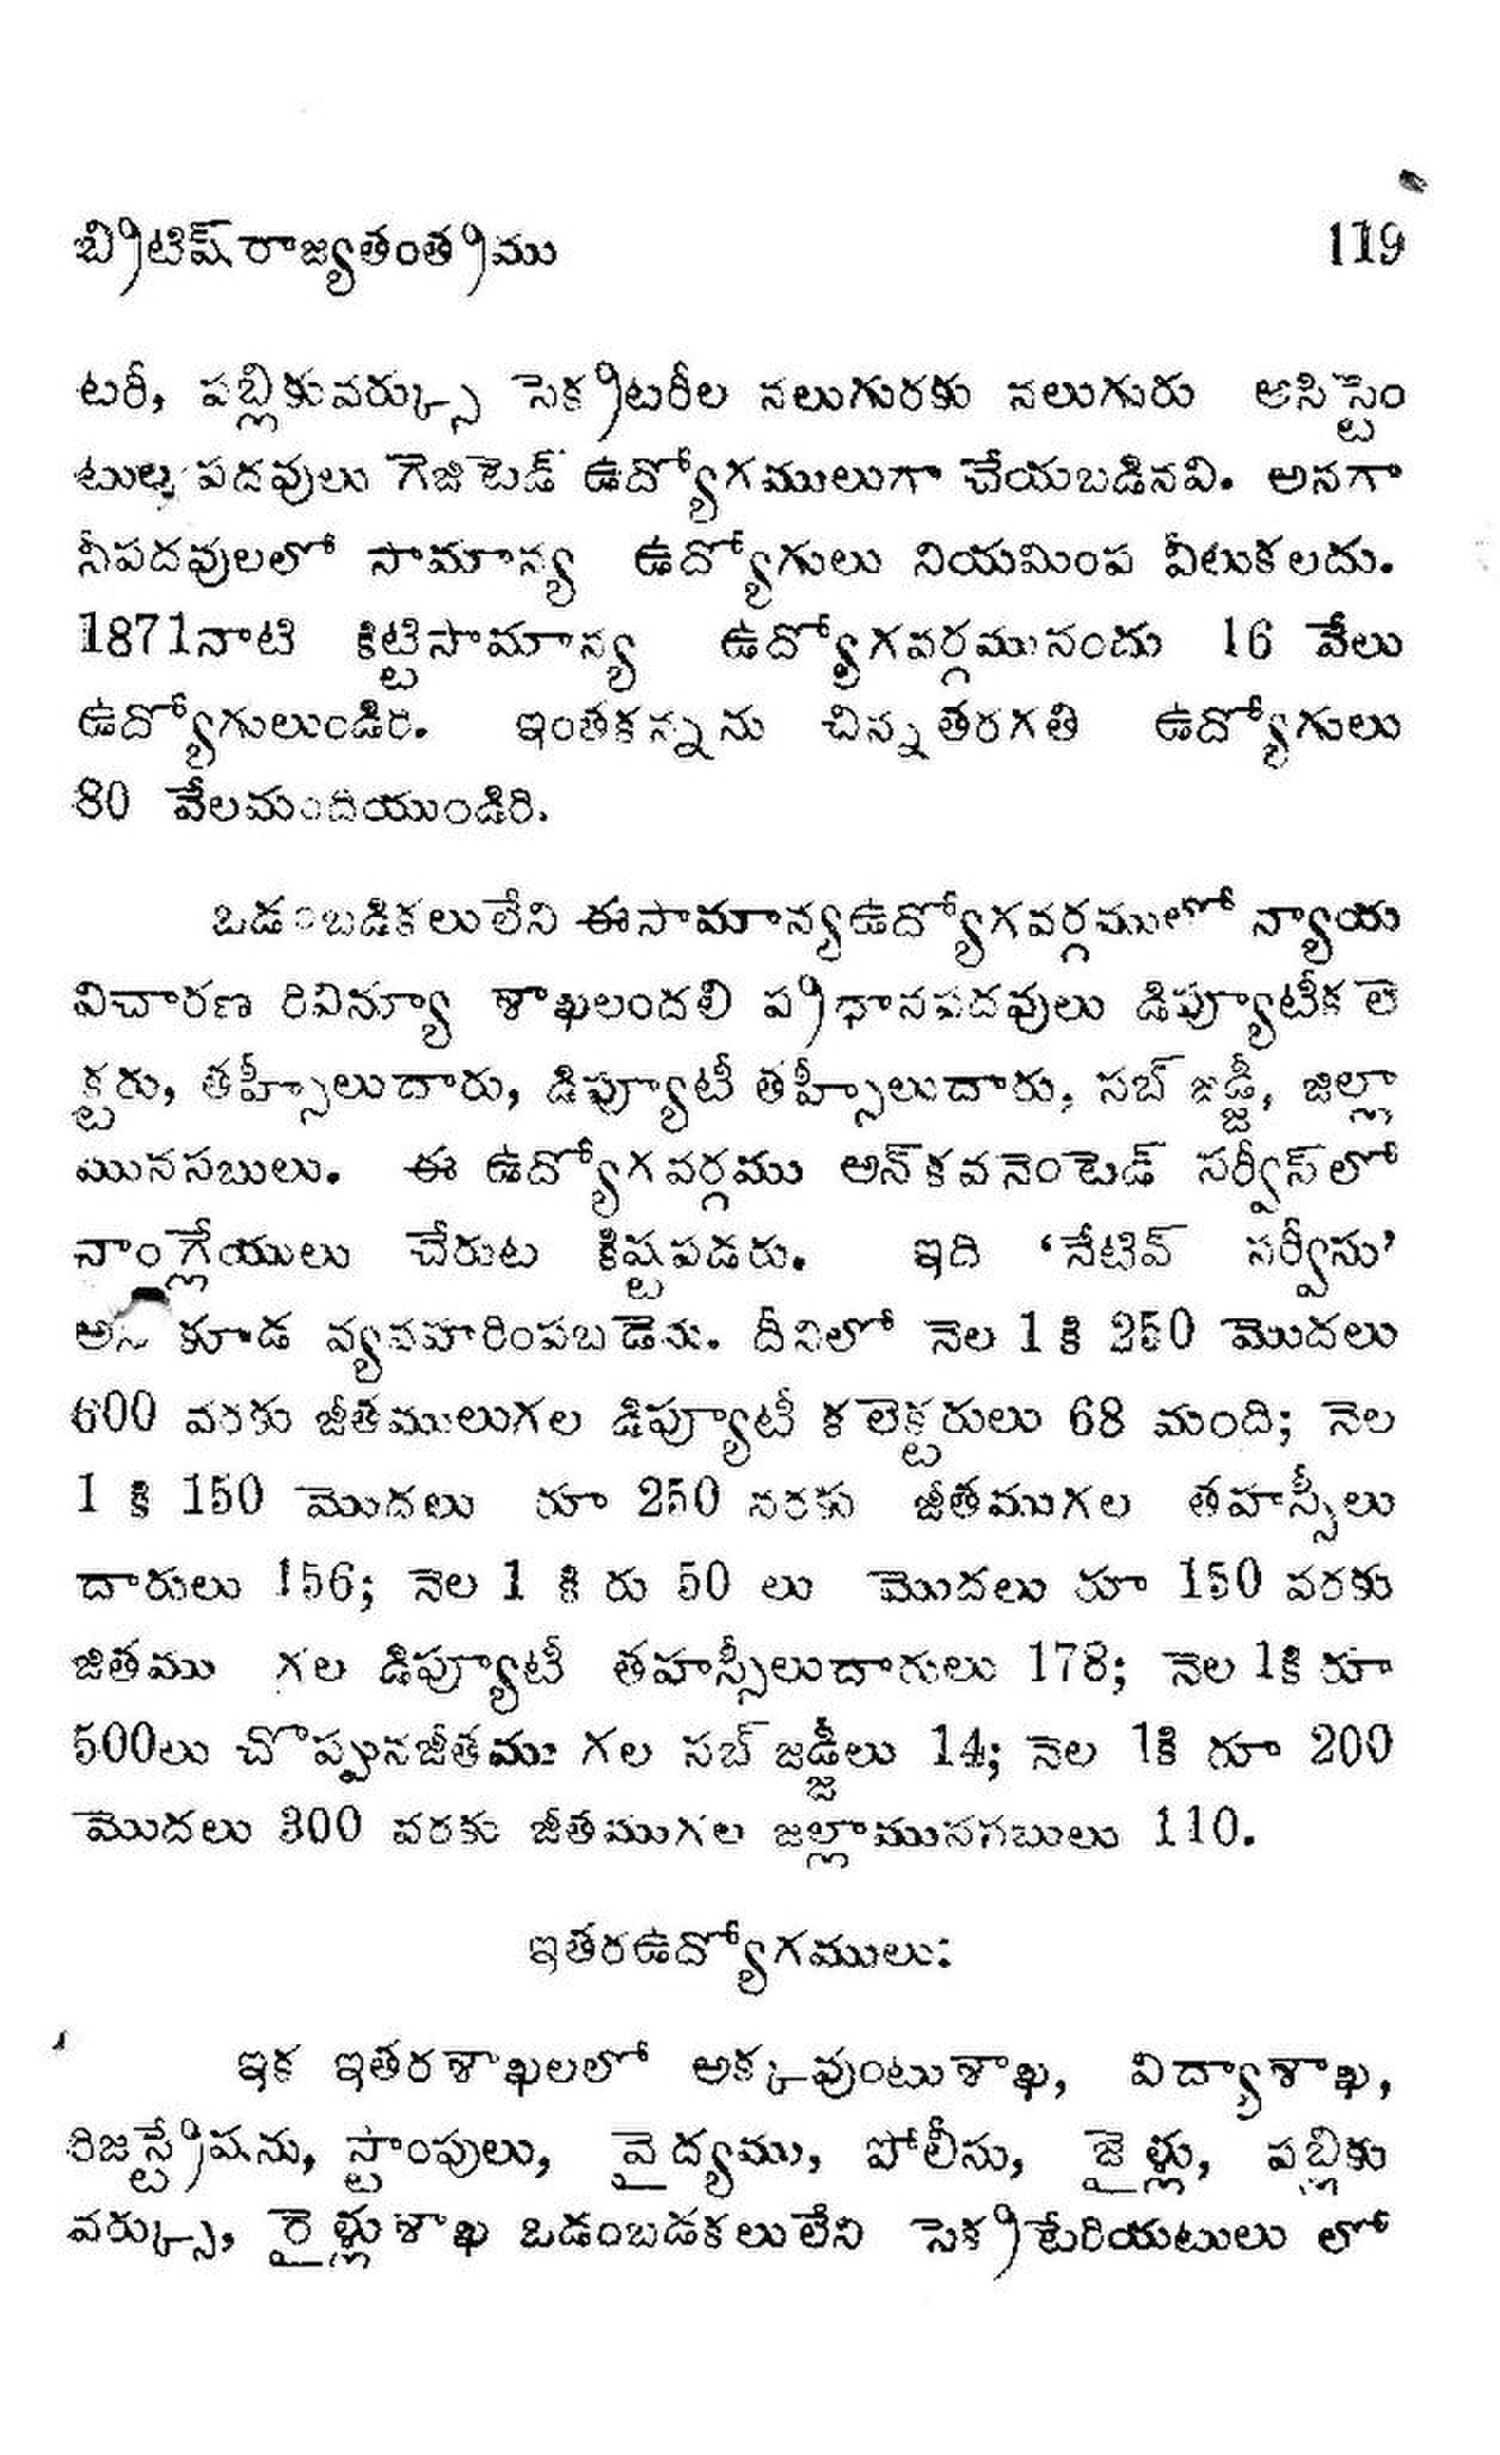టరీ, పబ్లికువర్క్సు సెక్రటరీల నలుగురకు నలుగురు అసిస్టెంటులు పదవులు గెజిటెడ్ ఉద్యోగములుగా చేయబడినవి. అనగా నీపదవులలో సామాన్య ఉద్యోగులు నియమింప వీలుకలదు. 1871నాటి కిట్టిసామాన్య ఉద్యోగవర్గమునందు 16 వేలు ఉద్యోగులుండిరి. ఇంతకన్నను చిన్నతరగతి ఉద్యోగులు 80 వేలమందియుండిరి.

ఒడంబడికలులేని ఈసామాన్యఉద్యోగవర్గములో న్యాయవిచారణ రివిన్యూ శాఖలందలి ప్రధానపదవులు డిప్యూటీకలెక్టరు, తహ్సీలుదారు, డిప్యూటీ తహ్సీలుదారు, సబ్ జడ్జీ, జిల్లా మునసబులు. ఈ ఉద్యోగవర్గము అన్‌కవనెంటెడ్ సర్వీస్‌లో నాంగ్లేయులు చేరుట క్రిష్టపడరు. ఇది 'నేటివ్ సర్వీసు' అని కూడ వ్యవహరింపబడెను. దీనిలో నెల 1కి 250 మొదలు 600 వరకు జీతములుగల డిప్యూటీ భలెక్టరులు 68 మంది; నెల 1కి 150 మొదలు రూ 250 వరకు జీతముగల తహస్పీలుదారులు 156; నెల 1కి రు 50 లు మొదలు రూ 150 వరకు జీతము గల డిప్యూటీ తహస్సీలుదారులు 178; నెల 1కి రూ 500లు చొప్పున జీతము గల సబ్ జడ్జీలు 14; నెల 1కి రూ 200 మొదలు 300 వరకు జీతముగల జల్లా మునసబులు 110.

 

ఇక ఇతరశాఖలలో అక్కవుంటుశాఖ, విద్యాశాఖ, రిజస్ట్రేషను, స్టాంపులు, వైద్యము, పోలీసు, జైళ్లు, పబ్లికువర్క్సు , రైళ్లుశాఖ ఒడంబడకలులేని సెక్రబేరియటులు లో